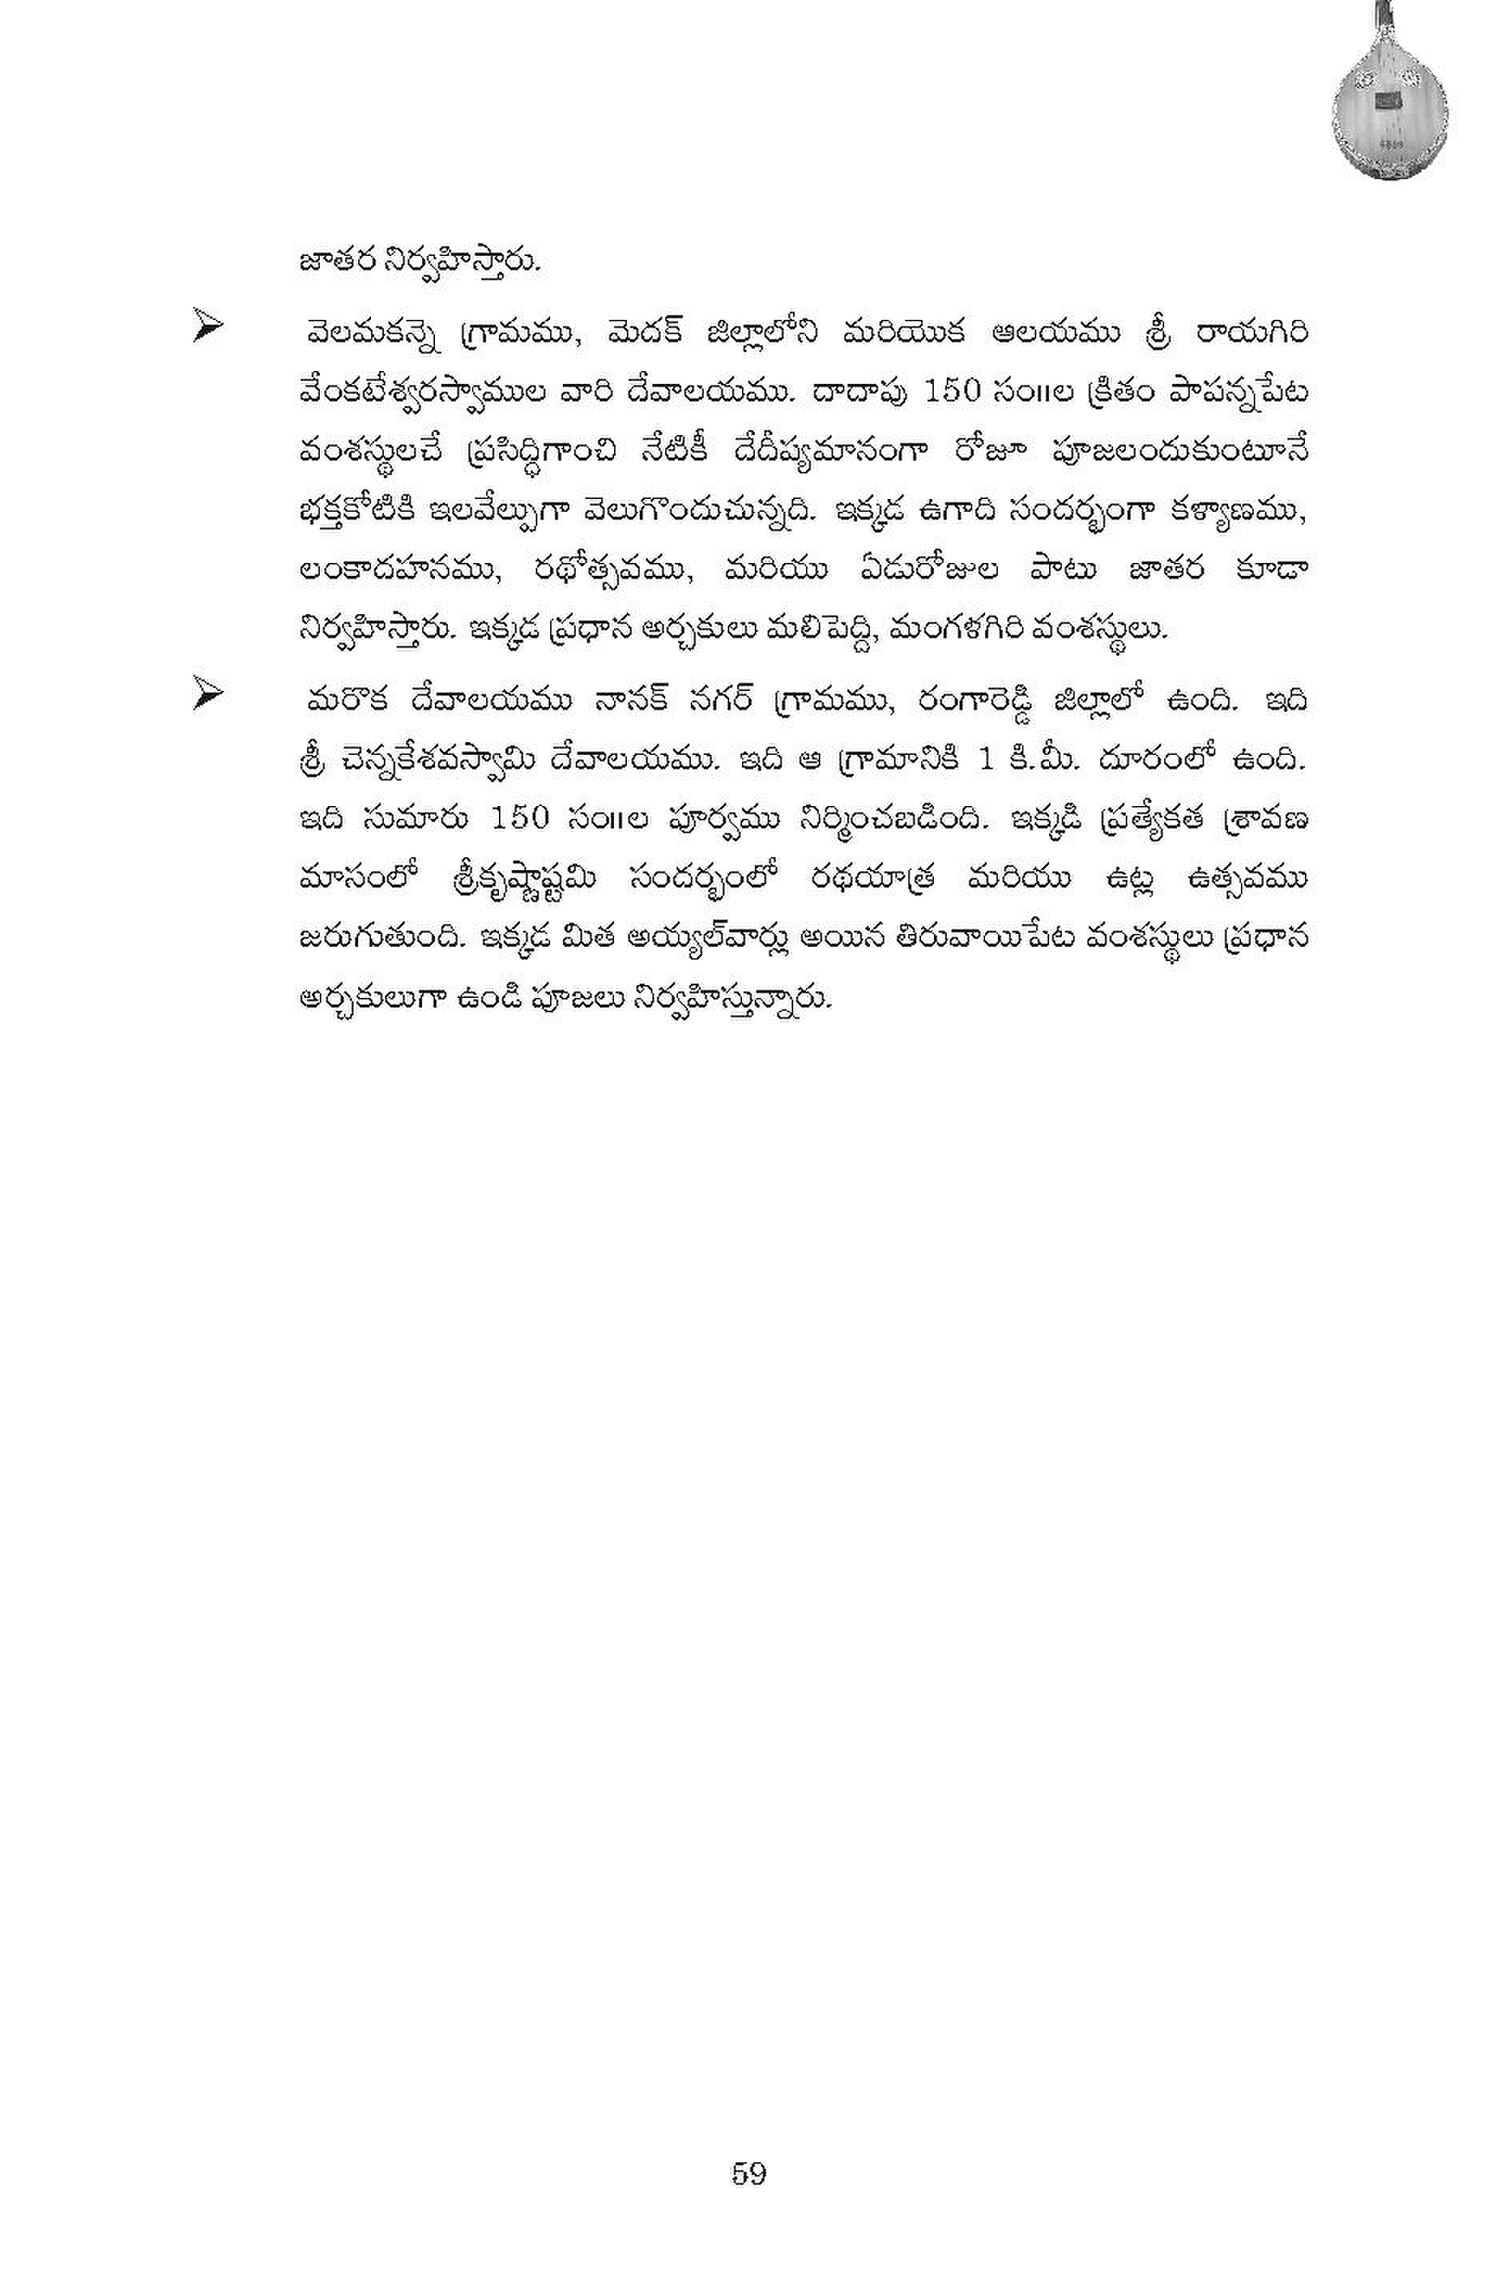జాతర నిర్వహిస్తారు.

వెలమకన్నె గ్రామము, మెదక్ జిల్లాలోని మరియొక ఆలయము శ్రీ రాయగిరి వేంకటేశ్వరస్వాముల వారి దేవాలయము. దాదాపు 150 సం॥ల క్రితం పాపన్నపేట వంశస్థులచే ప్రసిద్ధిగాంచి నేటికీ దేదీప్యమానంగా రోజూ పూజలందుకుంటూనే
భక్తకోటికి ఇలవేల్పుగా వెలుగొందుచున్నది. ఇక్కడ ఉగాది సందర్భంగా కళ్యాణము, లంకాదహనము, రథోత్సవము, మరియు ఏడురోజుల పాటు జాతర కూడా నిర్వహిస్తారు. ఇక్కడ ప్రధాన అర్చకులు మలిపెద్ది, మంగళగిరి వంశస్థులు.

మరొక దేవాలయము నానక్ నగర్ గ్రామము, రంగారెడ్డి జిల్లాలో ఉంది. ఇది శ్రీ చెన్నకేశవస్వామి దేవాలయము. ఇది ఆ గ్రామానికి 1 కి.మీ. దూరంలో ఉంది. ఇది సుమారు 150 సం॥ల పూర్వము నిర్మించబడింది. ఇక్కడి ప్రత్యేకత శ్రావణ
మాసంలో శ్రీకృష్ణాష్టమి సందర్భంలో రథయాత్ర మరియు ఉట్ల ఉత్సవము జరుగుతుంది. ఇక్కడ మిత అయ్యల్వార్లు అయిన తిరువాయిపేట వంశస్థులు ప్రధాన అర్చకులుగా ఉండి పూజలు నిర్వహిస్తున్నారు.